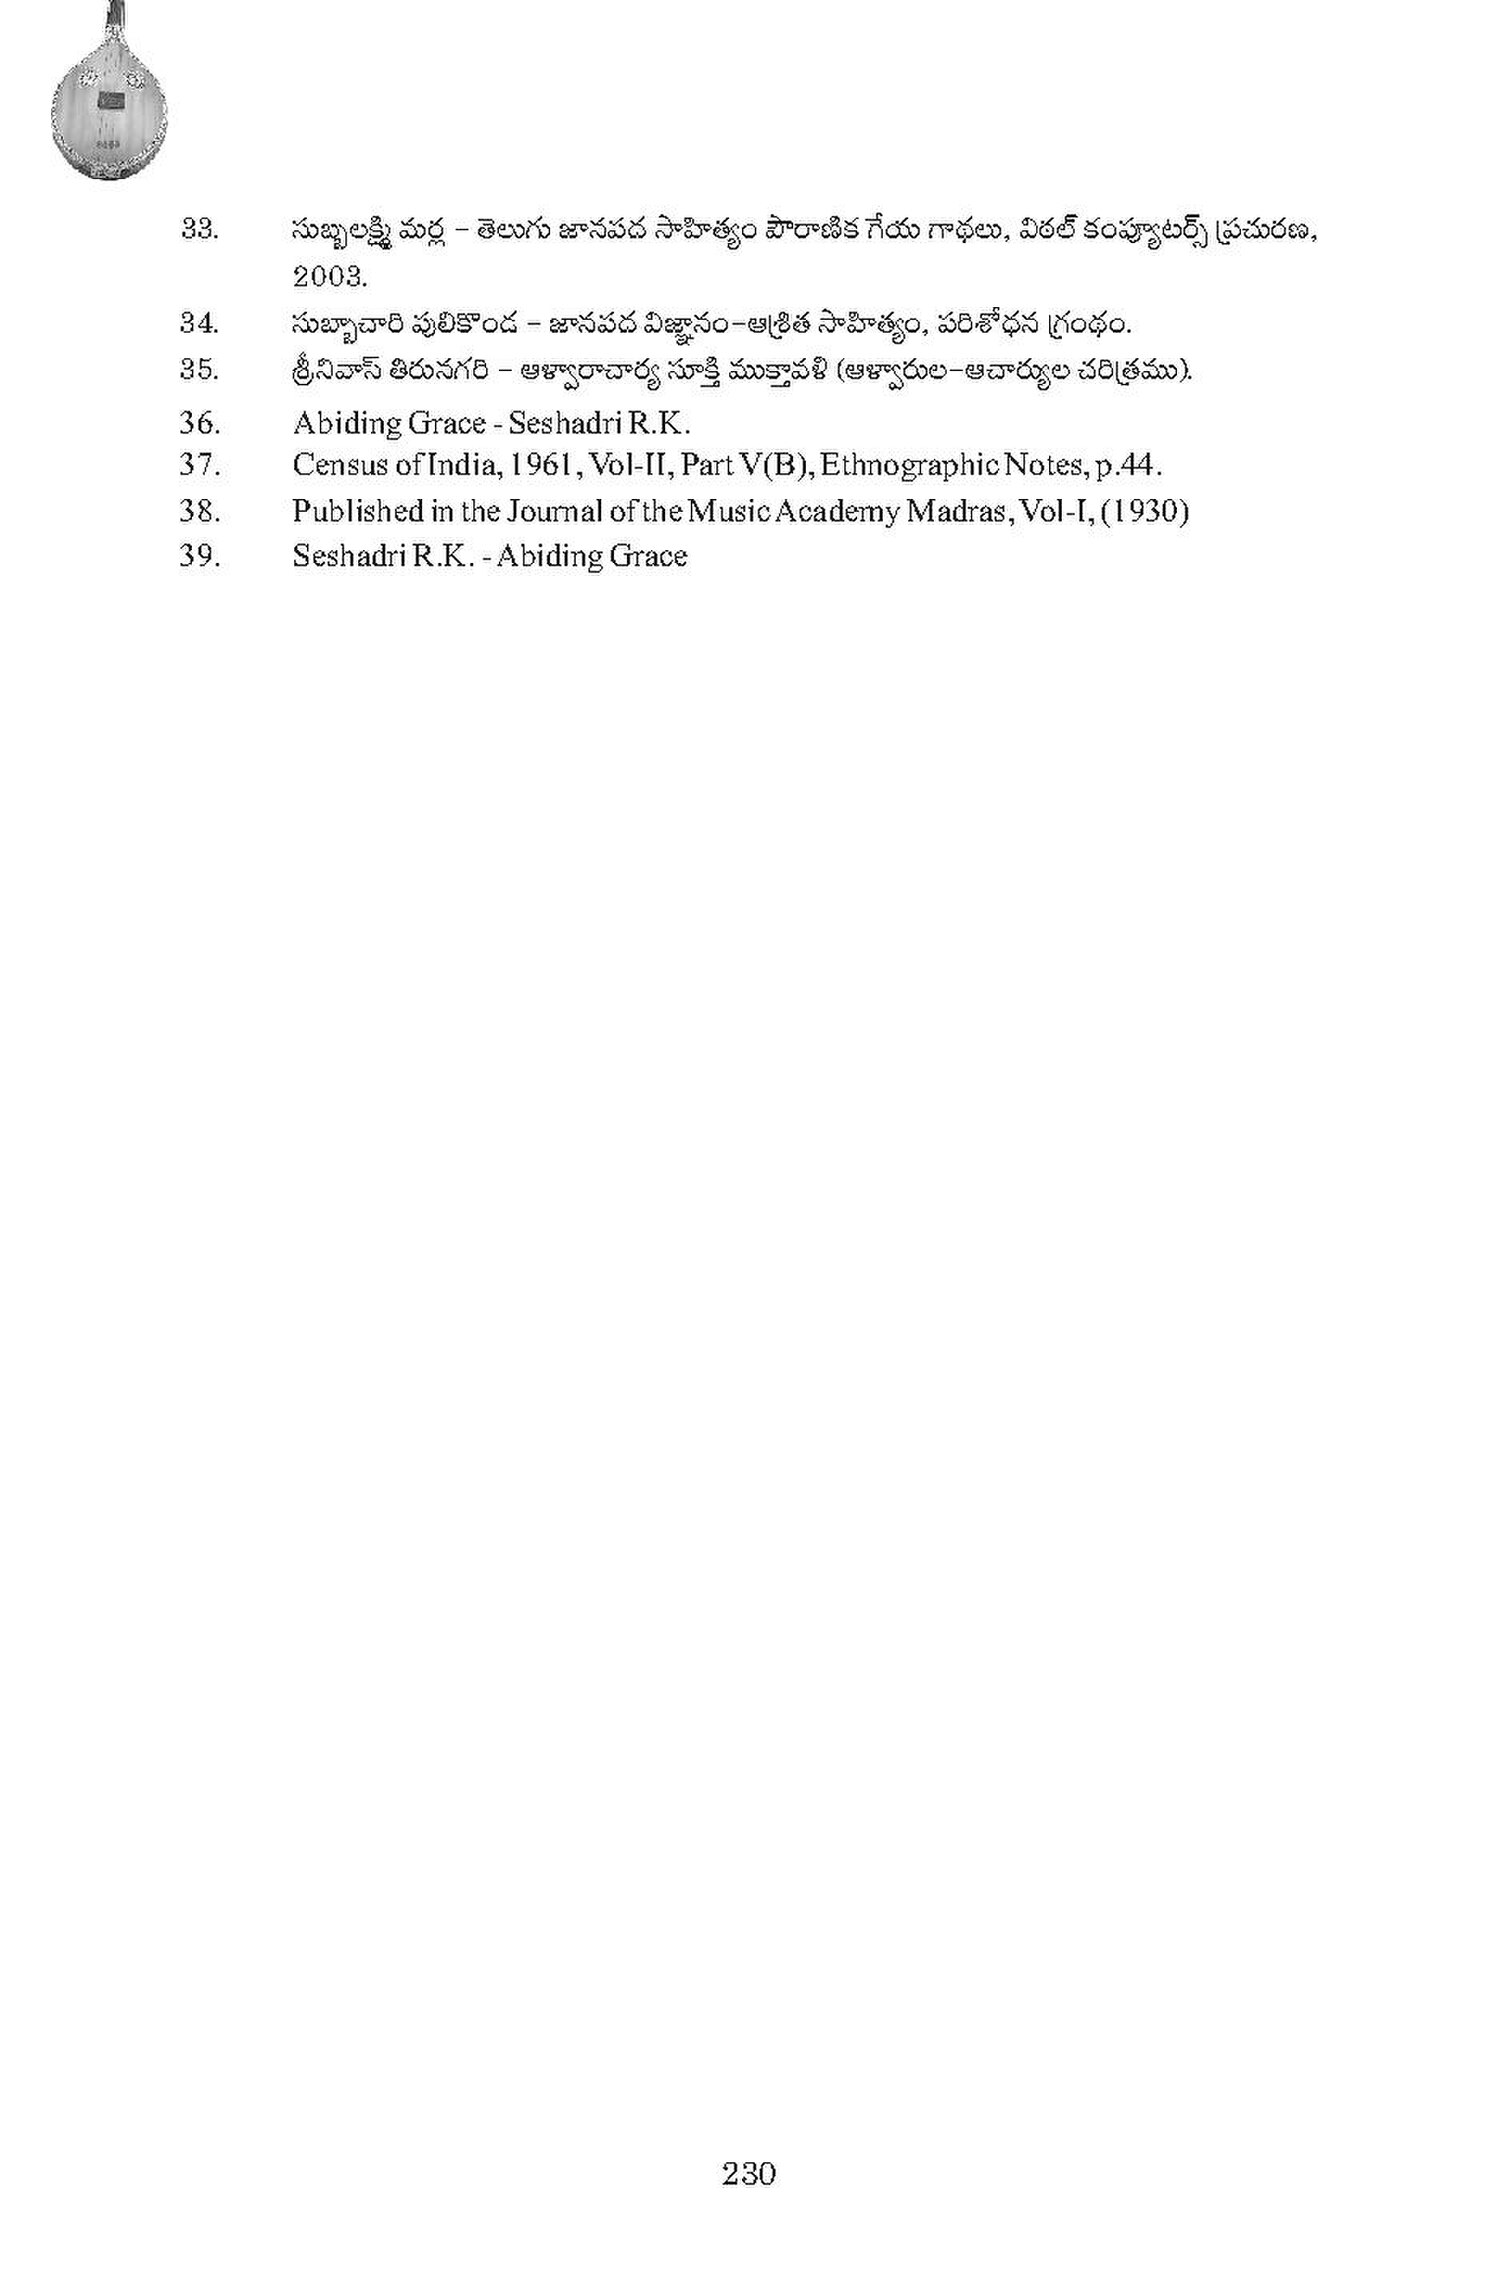33.సుబ్బలక్ష్మి మర్ల - తెలుగు జానపద సాహిత్యం పౌరాణిక గేయ గాథలు, విఠల్ కంప్యూటర్స్ ప్రచురణ, 2003.
34. సుబ్బాచారి పులికొండ - జానపద విజ్ఞానం - ఆశ్రిత సాహిత్యం, పరిశోధన గ్రంథం.
35.శ్రీనివాస్ తిరునగరి - ఆళ్వారాచార్య సూక్తి ముక్తావళి (ఆళ్వారుల-ఆచార్యుల చరిత్రము).
36.Abiding Grace - Seshadri R.K.
37.Census of India, 1961, Vol-II, Part V(B), Ethnographic Notes, p. 44.
38.Published in the Journal of the Music Academy Madras, Vol-I, (1930)
39.Seshadri R.K. Abiding Grace